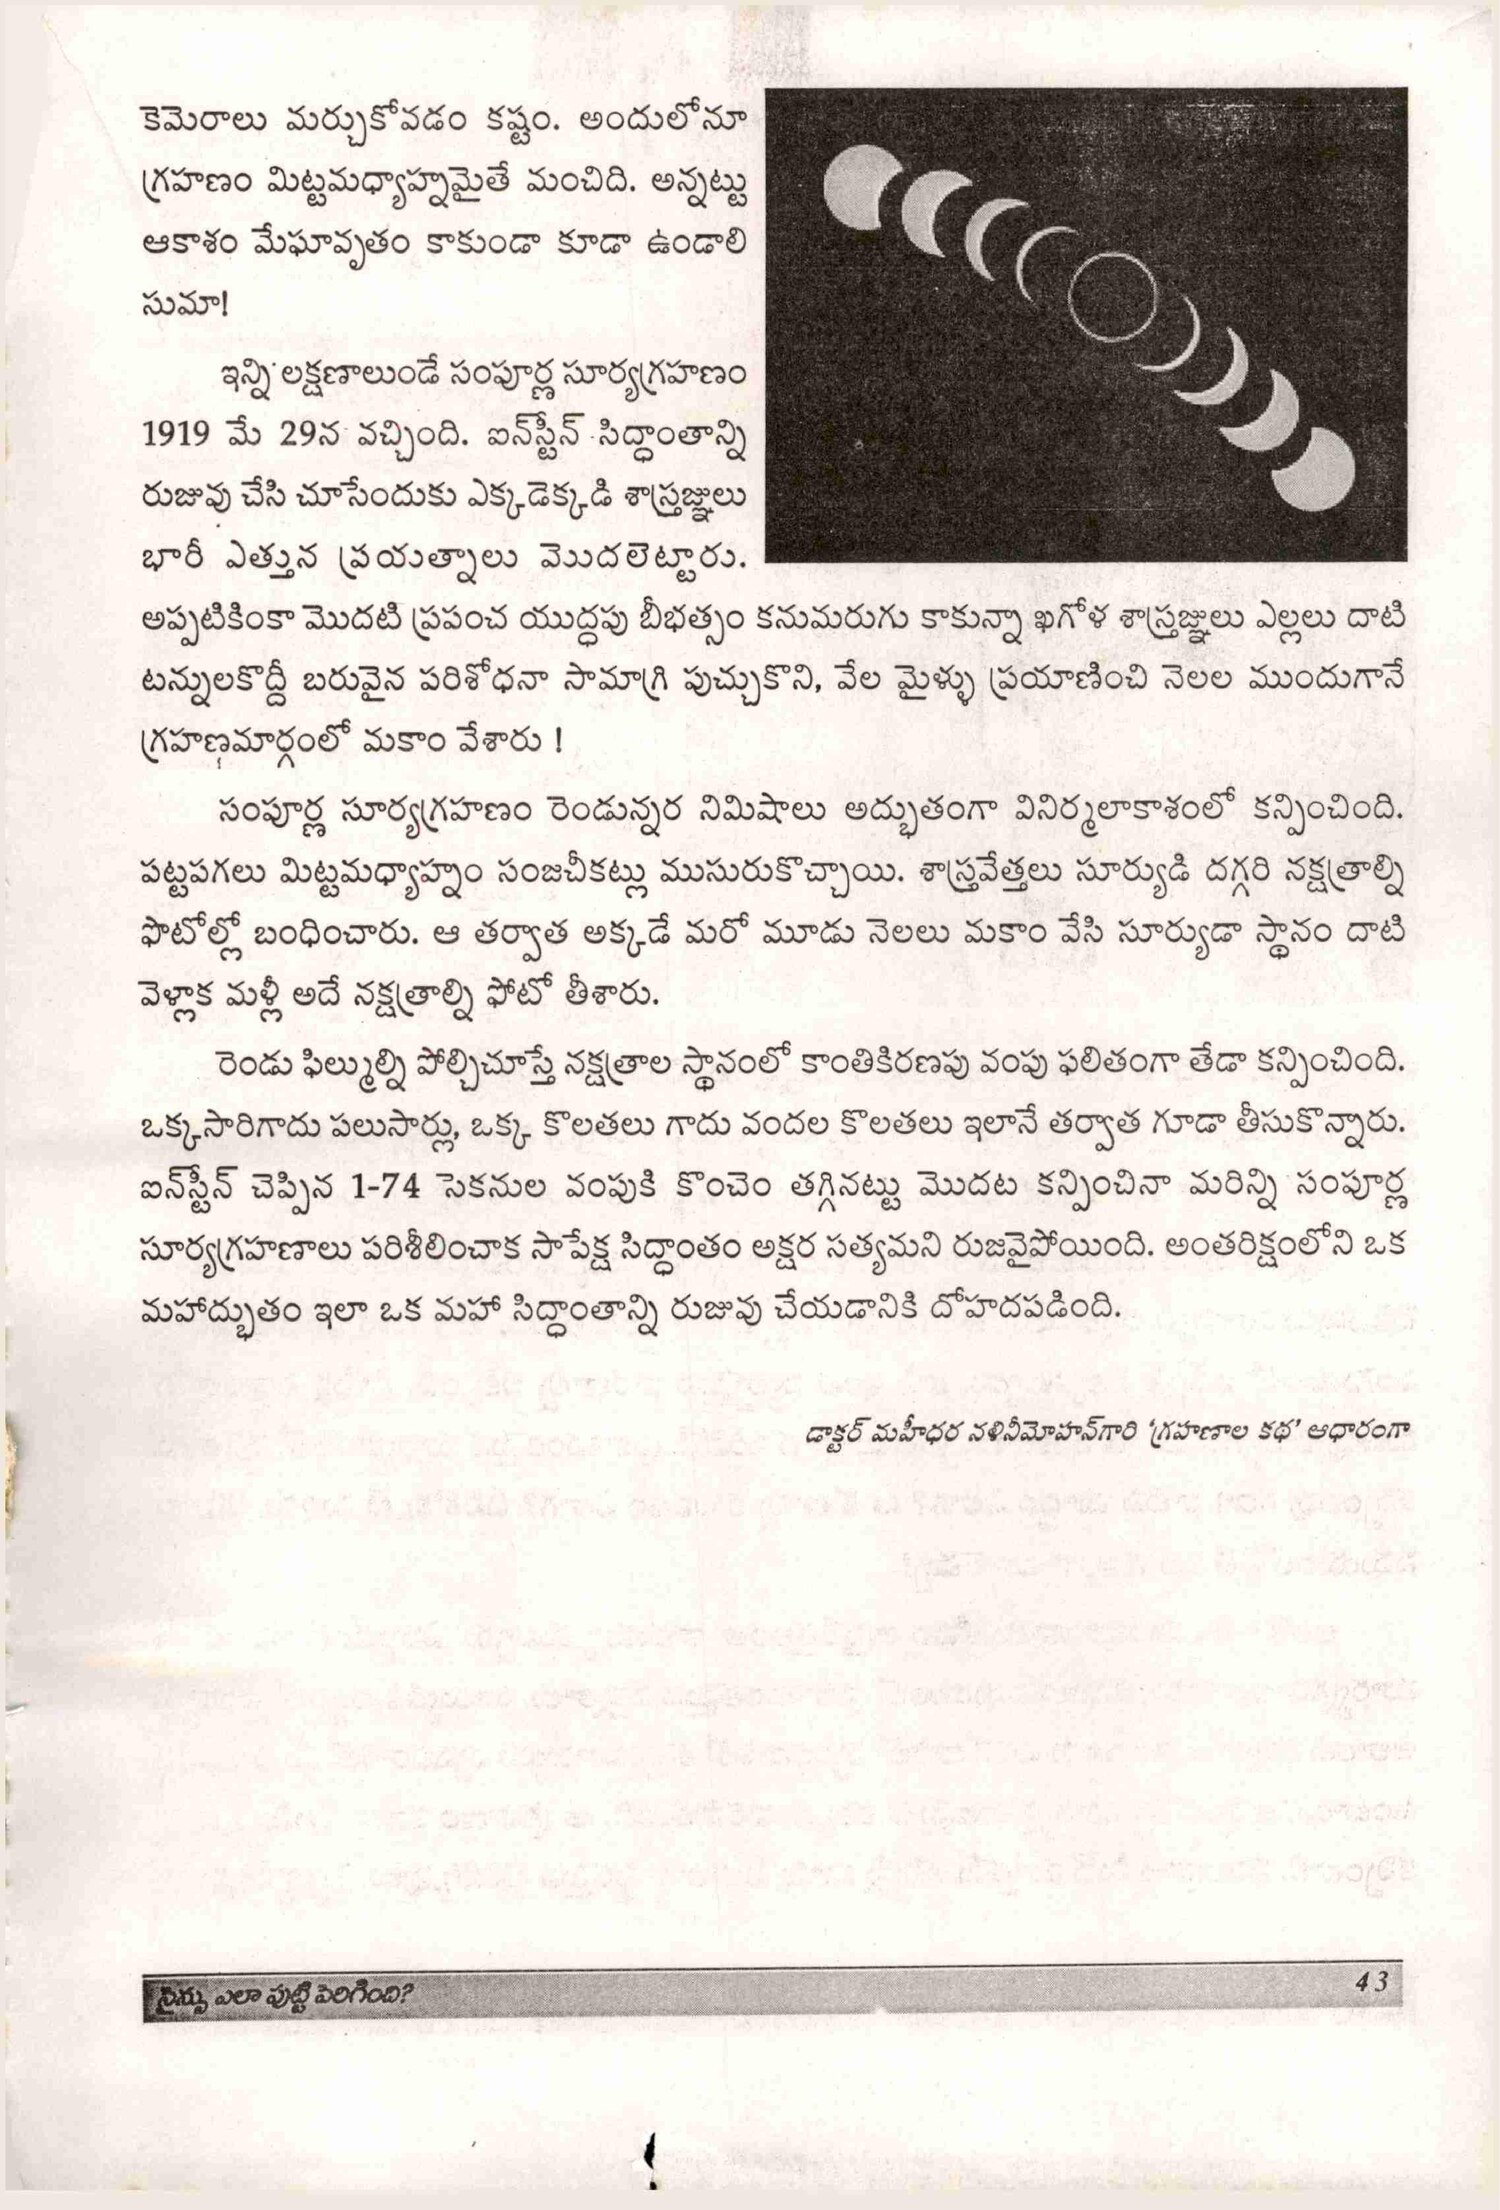కెమెరాలు అమర్చుకోవడం కష్టం. అందులోనూ గ్రహణం మిట్టమధ్యాహ్నమైతే మంచిది. అన్నట్టు ఆకాశం మేఘావృతం కాకుండా కూడా ఉండాలి సుమా!

ఇన్ని లక్షణాలుండే సంపూర్ణ సూర్యగ్రహణం 1919 మే 29న వచ్చింది. ఐన్‌స్టీన్ సిద్ధాంతాన్ని రుజువు చేసి చూసేందుకు ఎక్కడెక్కడి శాస్త్రజ్ఞులు భారీ ఎత్తున ప్రయత్నాలు మొదలెట్టారు. అప్పటికింకా మొదటి ప్రపంచ యుద్ధపు బీభత్సం కనుమరుగు కాకున్నా ఖగోళ శాస్త్రజ్ఞులు ఎల్లలు దాటి టన్నులకొద్దీ బరువైన పరిశోధనా సామాగ్రి పుచ్చుకొని, వేల మైళ్ళు ప్రయాణించి నెలల ముందుగానే గ్రహణమార్గంలో మకాం వేశారు !

సంపూర్ణ సూర్యగ్రహణం రెండున్నర నిమిషాలు అద్భుతంగా వినిర్మలాకాశంలో కన్పించింది. పట్టపగలు మిట్టమధ్యాహ్నం సంజచీకట్లు ముసురుకొచ్చాయి. శాస్త్రవేత్తలు సూర్యుడి దగ్గరి నక్షత్రాల్ని ఫొటోల్లో బంధించారు. ఆ తర్వాత అక్కడే మరో మూడు నెలలు మకాం వేసి సూర్యుడా స్థానం దాటి వెళ్లాక మళ్లీ అదే నక్షత్రాల్ని ఫోటో తీశారు.

రెండు ఫిల్ముల్ని పోల్చిచూస్తే నక్షత్రాల స్థానంలో కాంతికిరణపు వంపు ఫలితంగా తేడా కన్పించింది. ఒక్కసారిగాదు పలుసార్లు, ఒక్క కొలతలు గాదు వందల కొలతలు ఇలానే తర్వాత గూడా తీసుకొన్నారు. ఐన్‌స్టీన్ చెప్పిన 1-74 సెకనుల వంపుకి కొంచెం తగ్గినట్టు మొదట కన్పించినా మరిన్ని సంపూర్ణ సూర్యగ్రహణాలు పరిశీలించాక సాపేక్ష సిద్ధాంతం అక్షర సత్యమని రుజవైపోయింది. అంతరిక్షంలోని ఒక మహాద్భుతం ఇలా ఒక మహా సిద్ధాంతాన్ని రుజువు చేయడానికి దోహదపడింది.